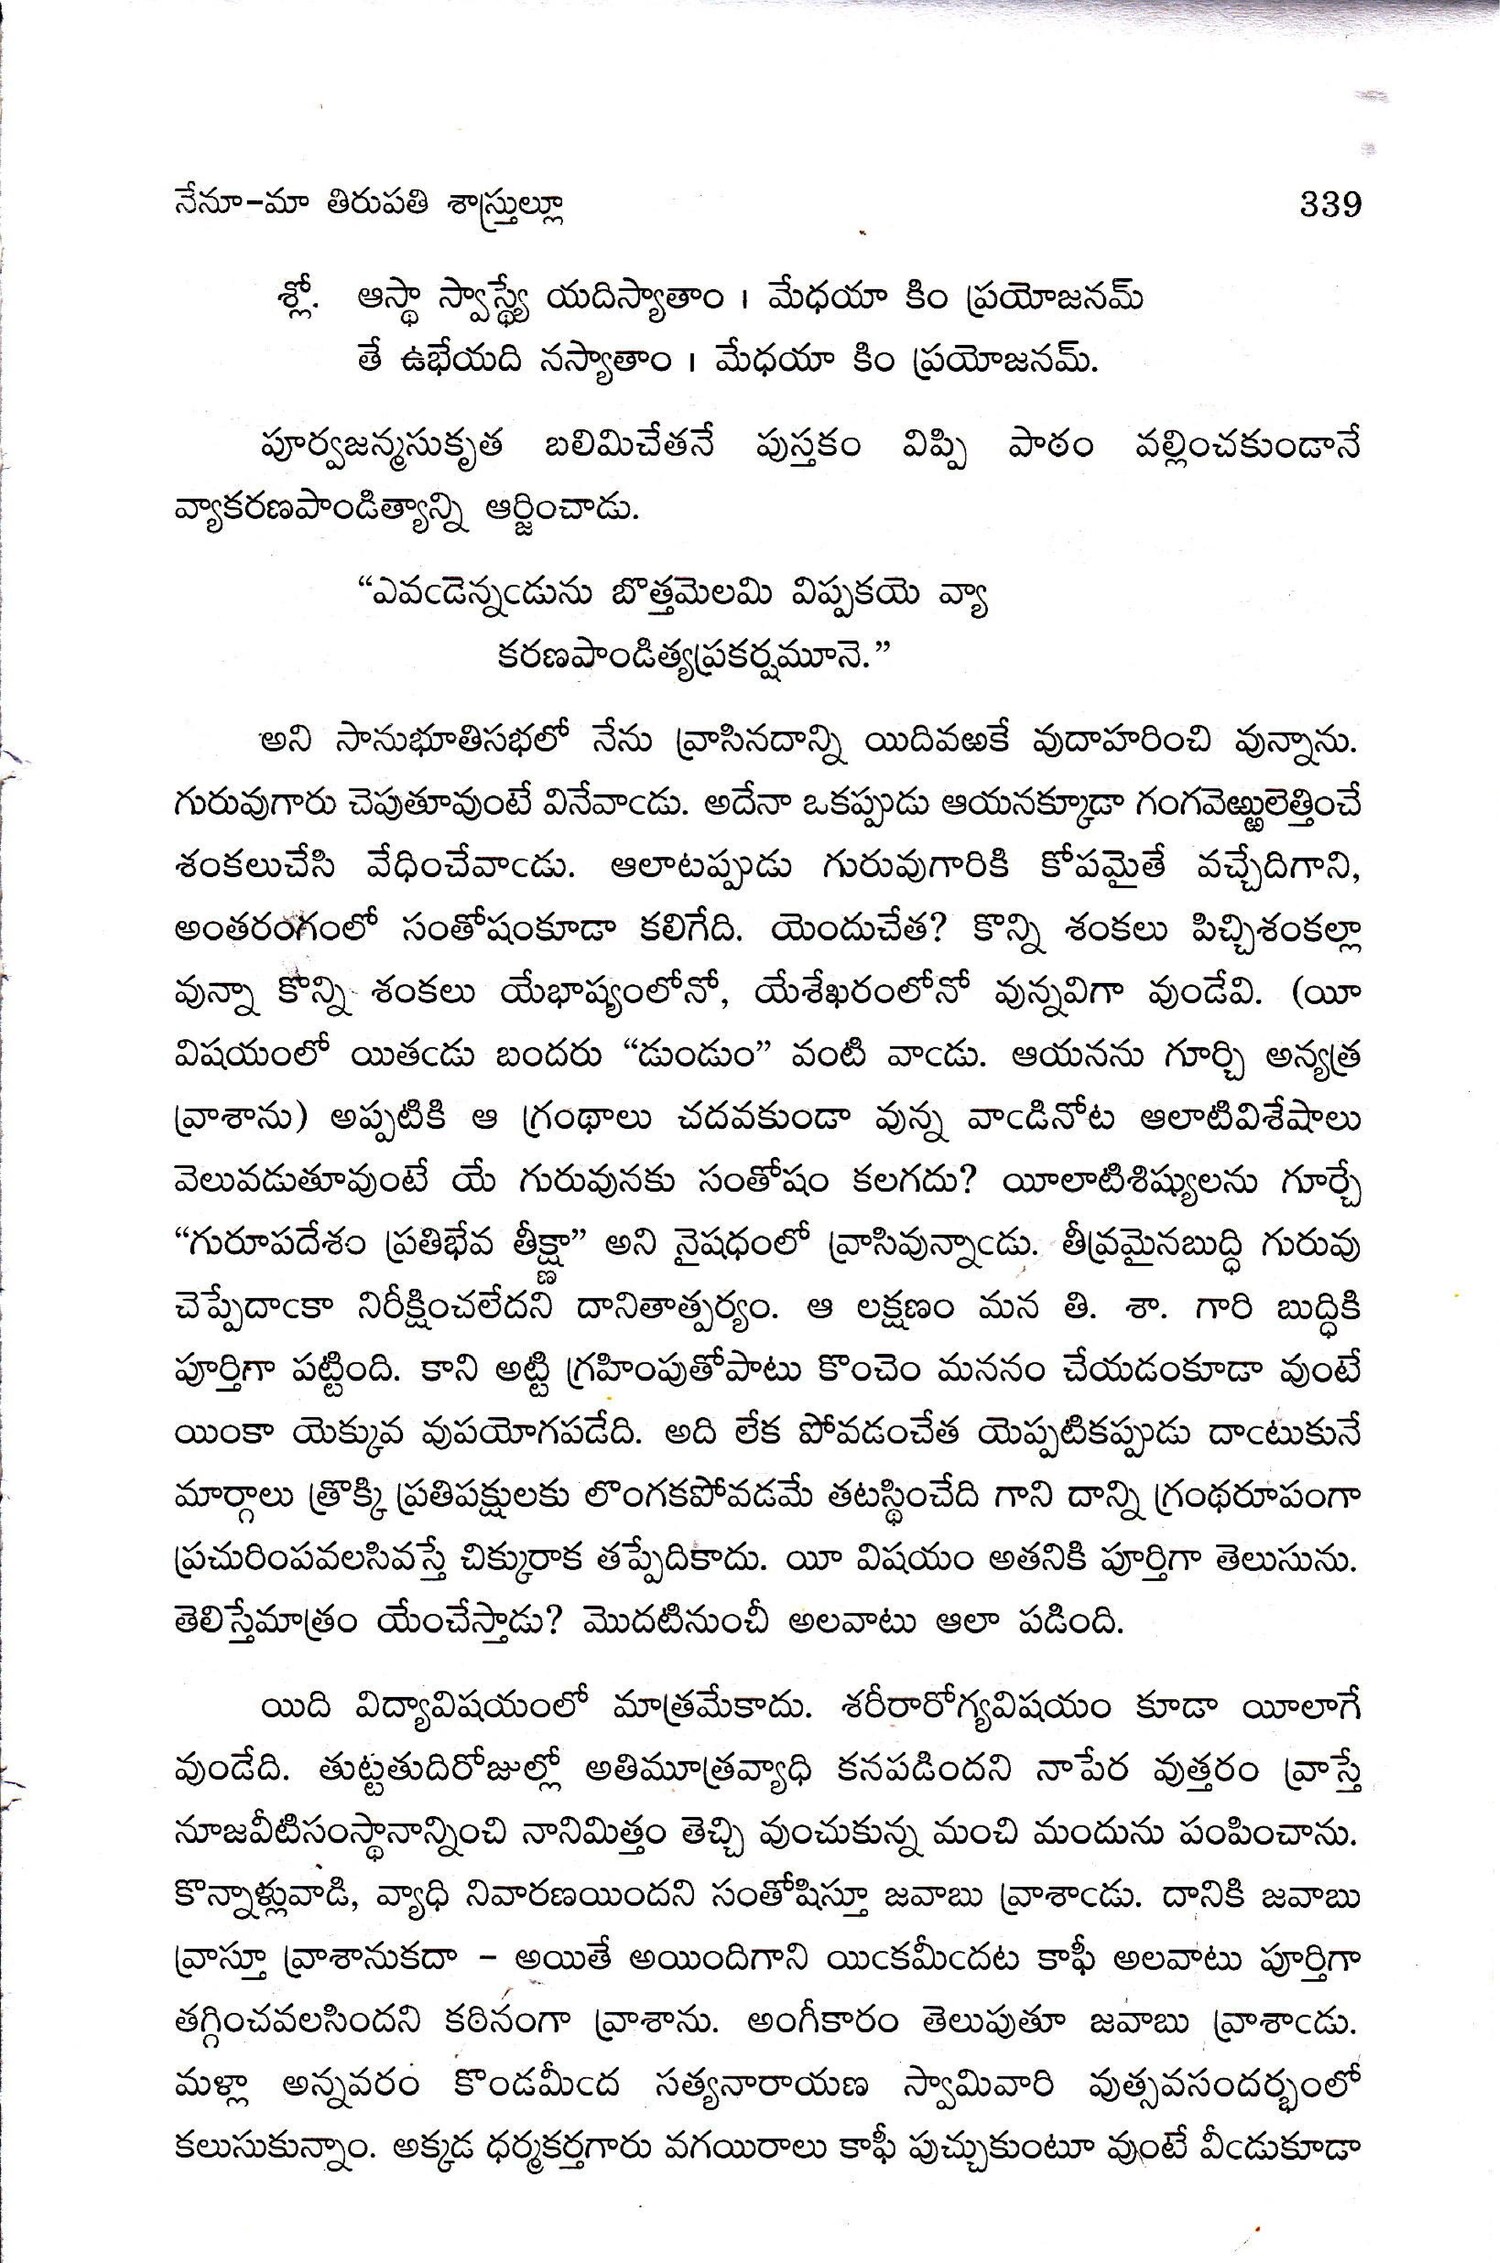శ్లో. ఆస్థా స్వాస్థ్యే యదిస్యాతాం 1 మేధయా కిం ప్రయోజనమ్
 తే ఉభేయది నస్యాతాం ! మేధయా కిం ప్రయోజనమ్.
పూర్వజన్మసుకృత బలిమిచేతనే పుస్తకం విప్పి పాఠం వల్లించకుండానే వ్యాకరణపాండిత్యాన్ని ఆర్జించాడు.

“ఎవఁడెన్నఁడును బొత్తమెలమి విప్పకయె వ్యా
 కరణపాండిత్యప్రకర్షమూనె.”
అని సానుభూతిసభలో నేను వ్రాసినదాన్ని యిదివఱకే వుదాహరించి వున్నాను. గురువుగారు చెపుతూవుంటే వినేవాఁడు. అదేనా ఒకప్పుడు ఆయనక్కూడా గంగవెఱ్ఱులెత్తించే శంకలుచేసి వేధించేవాఁడు. ఆలాటప్పుడు గురువుగారికి కోపమైతే వచ్చేదిగాని, అంతరంగంలో సంతోషంకూడా కలిగేది. యెందుచేత? కొన్ని శంకలు పిచ్చిశంకల్లా వున్నా కొన్ని శంకలు యేభాష్యంలోనో, యేశేఖరంలోనో వున్నవిగా వుండేవి. (యీ విషయంలో యితఁడు బందరు “డుండుం” వంటి వాఁడు. ఆయనను గూర్చి అన్యత్ర వ్రాశాను) అప్పటికి ఆ గ్రంథాలు చదవకుండా వున్న వాcడినోట ఆలాటివిశేషాలు వెలువడుతూవుంటే యే గురువునకు సంతోషం కలగదు? యీలాటిశిష్యులను గూర్చే "గురూపదేశం ప్రతిభేవ తీక్ష్ణా" అని నైషధంలో వ్రాసివున్నాఁడు. తీవ్రమైనబుద్ధి గురువు చెప్పేదాఁకా నిరీక్షించలేదనీ దానితాత్పర్యం. ఆ లక్షణం మన తి. శా. గారి బుద్ధికి పూర్తిగా పట్టింది. కాని అట్టి గ్రహింపుతోపాటు కొంచెం మననం చేయడంకూడా వుంటే యింకా యెక్కువ వుపయోగపడేది. అది లేక పోవడంచేత యెప్పటికప్పుడు దాcటుకునే మార్గాలు తొక్కి ప్రతిపక్షులకు లొంగకపోవడమే తటస్థించేది గాని దాన్ని గ్రంథరూపంగా ప్రచురింపవలసివస్తే చిక్కురాక తప్పేదికాదు. యీ విషయం అతనికి పూర్తిగా తెలుసును. తెలిస్తేమాత్రం యేంచేస్తాడు? మొదటినుంచీ అలవాటు ఆలా పడింది.

యిది విద్యావిషయంలో మాత్రమేకాదు. శరీరారోగ్యవిషయం కూడా యీలాగే వుండేది. తుట్టతుదిరోజుల్లో అతిమూత్రవ్యాధి కనపడిందని నాపేర వుత్తరం వ్రాస్తే నూజవీటిసంస్థానాన్నించి నానిమిత్తం తెచ్చి వుంచుకున్న మంచి మందును పంపించాను. కొన్నాళ్లువాడి, వ్యాధి నివారణయిందని సంతోషిస్తూ జవాబు వ్రాశాఁడు. దానికి జవాబు వ్రాస్తూ వ్రాశానుకదా - అయితే అయిందిగాని యిఁకమీఁదట కాఫీ అలవాటు పూర్తిగా తగ్గించవలసిందని కఠినంగా వ్రాశాను. అంగీకారం తెలుపుతూ జవాబు వ్రాశాఁడు. మళ్లా అన్నవరం కొండమీఁద సత్యనారాయణ స్వామివారి వుత్సవసందర్భంలో కలుసుకున్నాం. అక్కడ ధర్మకర్తగారు వగయిరాలు కాఫీ పుచ్చుకుంటూ వుంటే వీఁడుకూడా